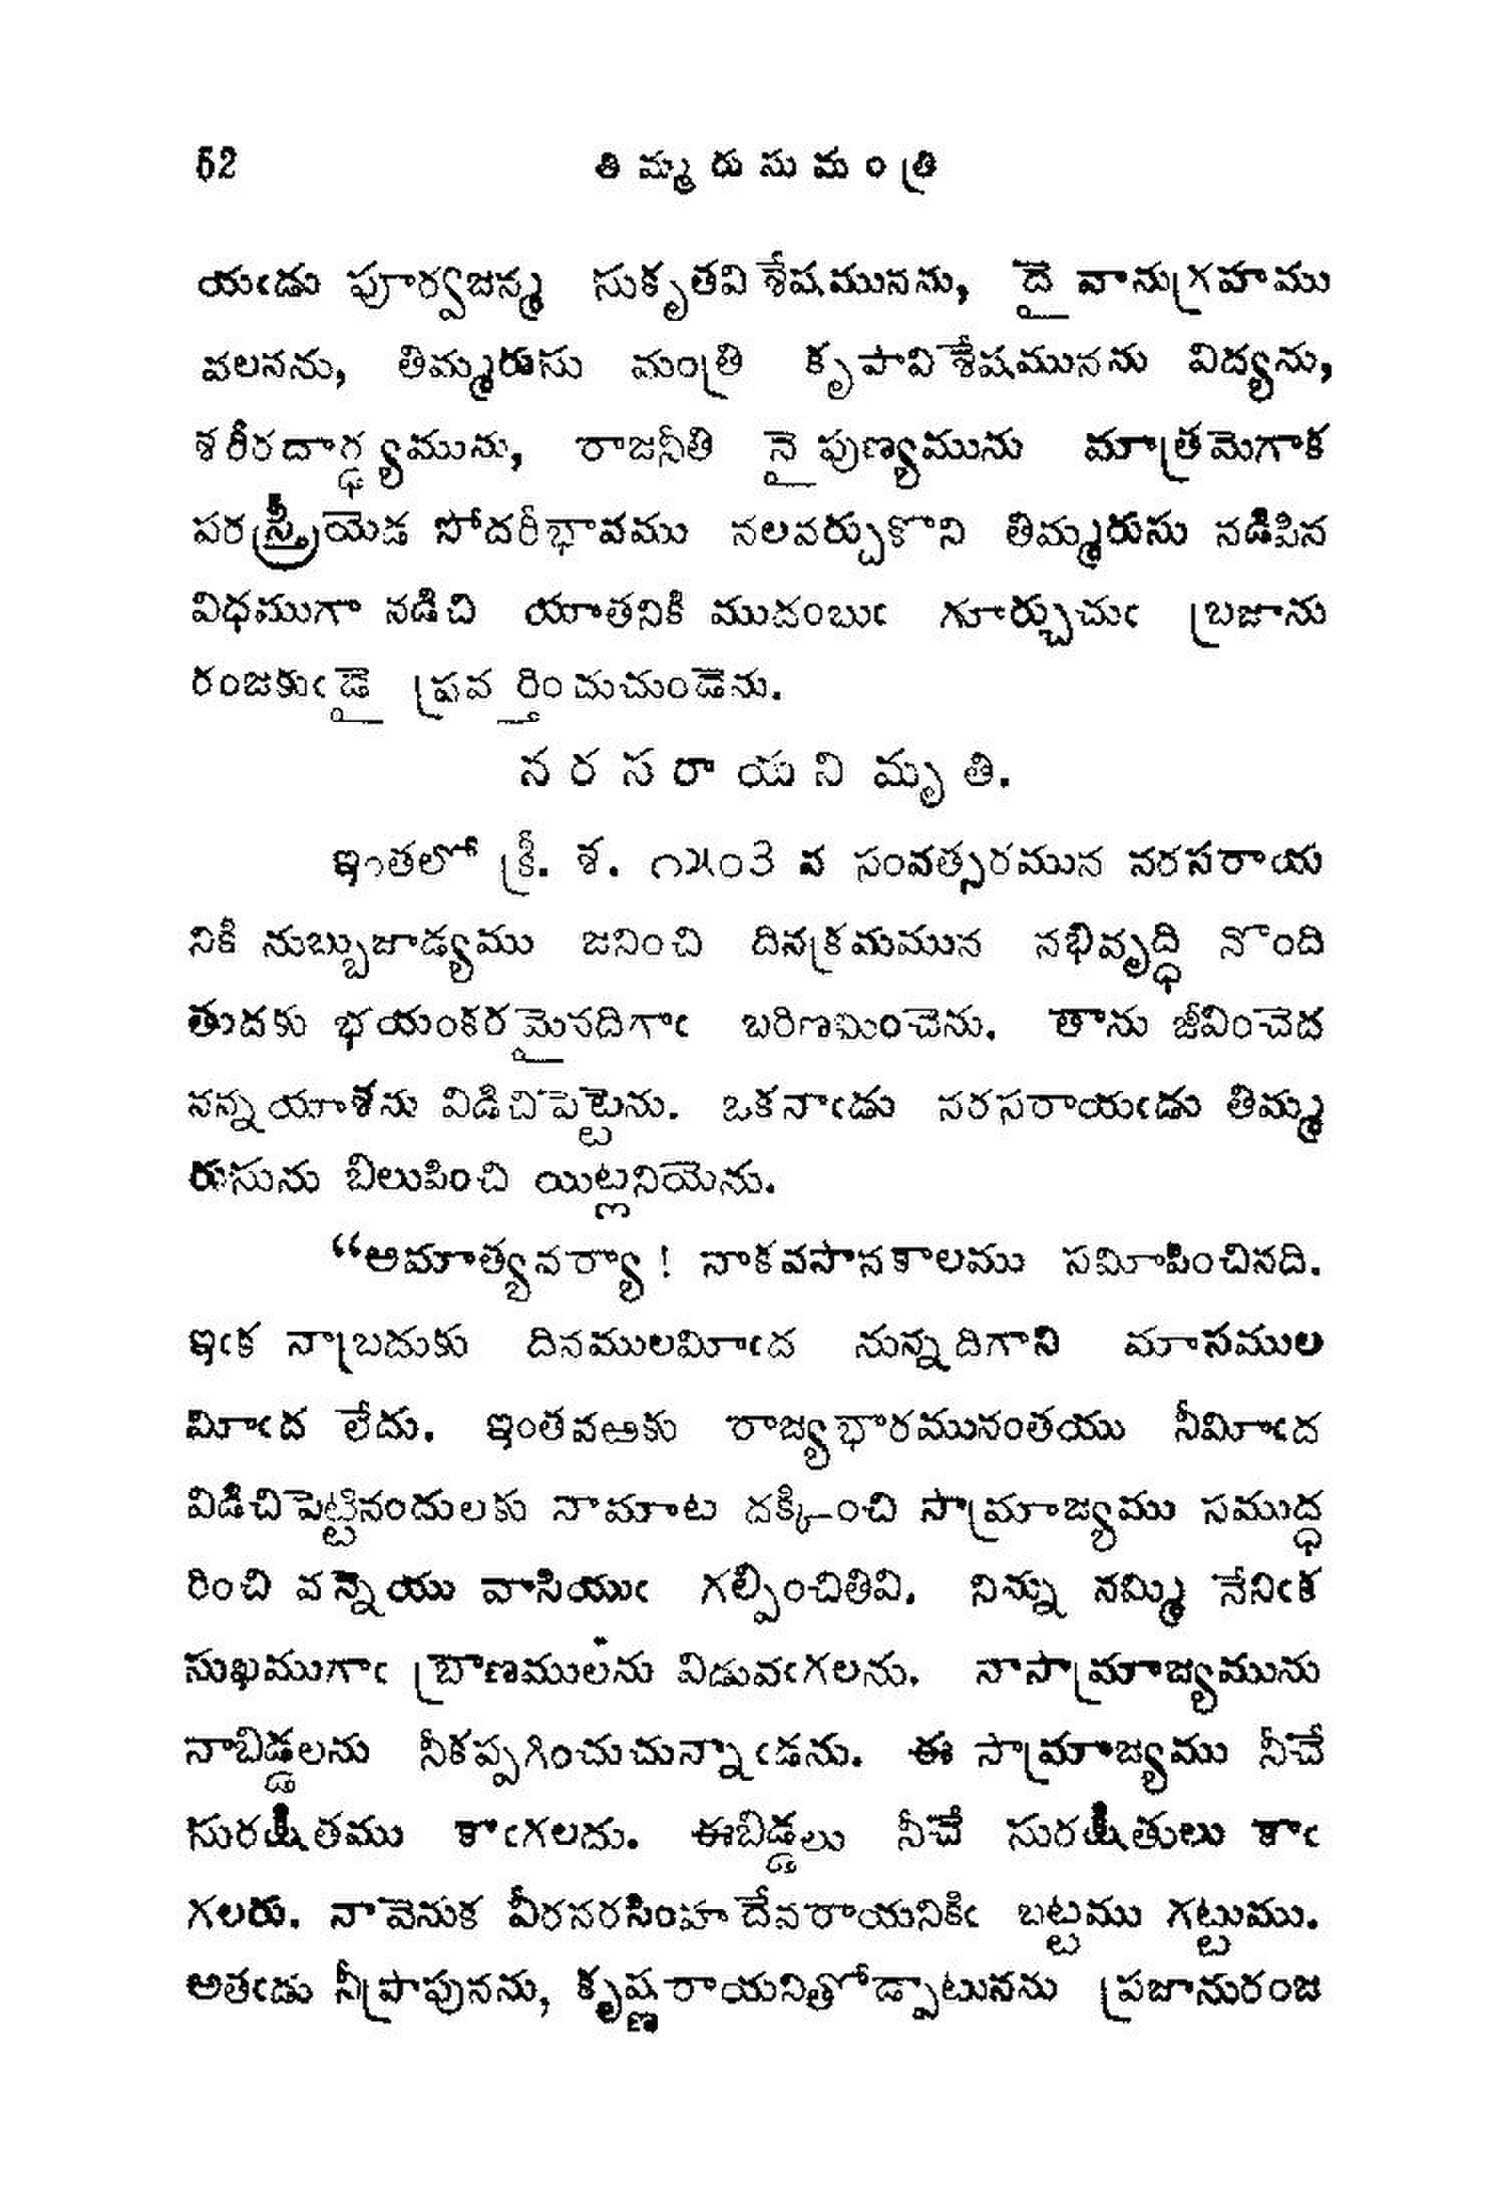యఁడు పూర్వజన్మ సుకృతవిశేషమునను, దైవానుగ్రహము వలనను, తిమ్మరుసు మంత్రి కృపావిశేషమునను విద్యను, శరీరదార్ఢ్యమును, రాజనీతి నైపుణ్యమును మాత్రమెగాక పరస్త్రీయెడ సోదరీభావము నలవర్చుకొని తిమ్మరుసు నడిపిన విధముగా నడిచి యాతనికి ముదంబుఁ గూర్చుచుఁ బ్రజానురంజకుఁడై ప్రవర్తించుచుండెను.

నరసరాయనిమృతి. 

ఇంతలో క్రీ. శ. 1503 వ సంవత్సరమున నరసరాయనికి నుబ్బుజాడ్యము జనించి దినక్రమమున నభివృద్ధి నొంది తుదకు భయంకరమైనదిగాఁ బరిణమించెను. తాను జీవించెద నన్నయాశను విడిచిపెట్టెను. ఒకనాఁడు నరసరాయఁడు తిమ్మరుసును బిలుపించి యిట్లనియెను.

“అమాత్యవర్యా ! నాకవసానకాలము సమీపించినది. ఇఁక నాబ్రదుకు దినములమీఁద నున్నదిగాని మాసముల మీఁద లేదు. ఇంతవఱకు రాజ్యభారమునంతయు నీమీఁద విడిచిపెట్టినందులకు నామాట దక్కించి సామ్రాజ్యము సముద్దరించి వన్నెయు వాసియుఁ గల్పించితివి. నిన్ను నమ్మి నేనిఁక సుఖముగాఁ బ్రాణములను విడువఁగలను. నాసామ్రాజ్యమును నాబిడ్డలను నీకప్పగించుచున్నాఁడను. ఈ సామ్రాజ్యము నీచే సురక్షితము కాఁగలదు. ఈబిడ్డలు నీచే సురక్షితులు కాఁ గలరు. నా వెనుక వీరనరసింహదేవరాయనికిఁ బట్టము గట్టుము. అతఁడు నీప్రాఫునను, కృష్ణరాయనితోడ్పాటునను ప్రజానురంజ